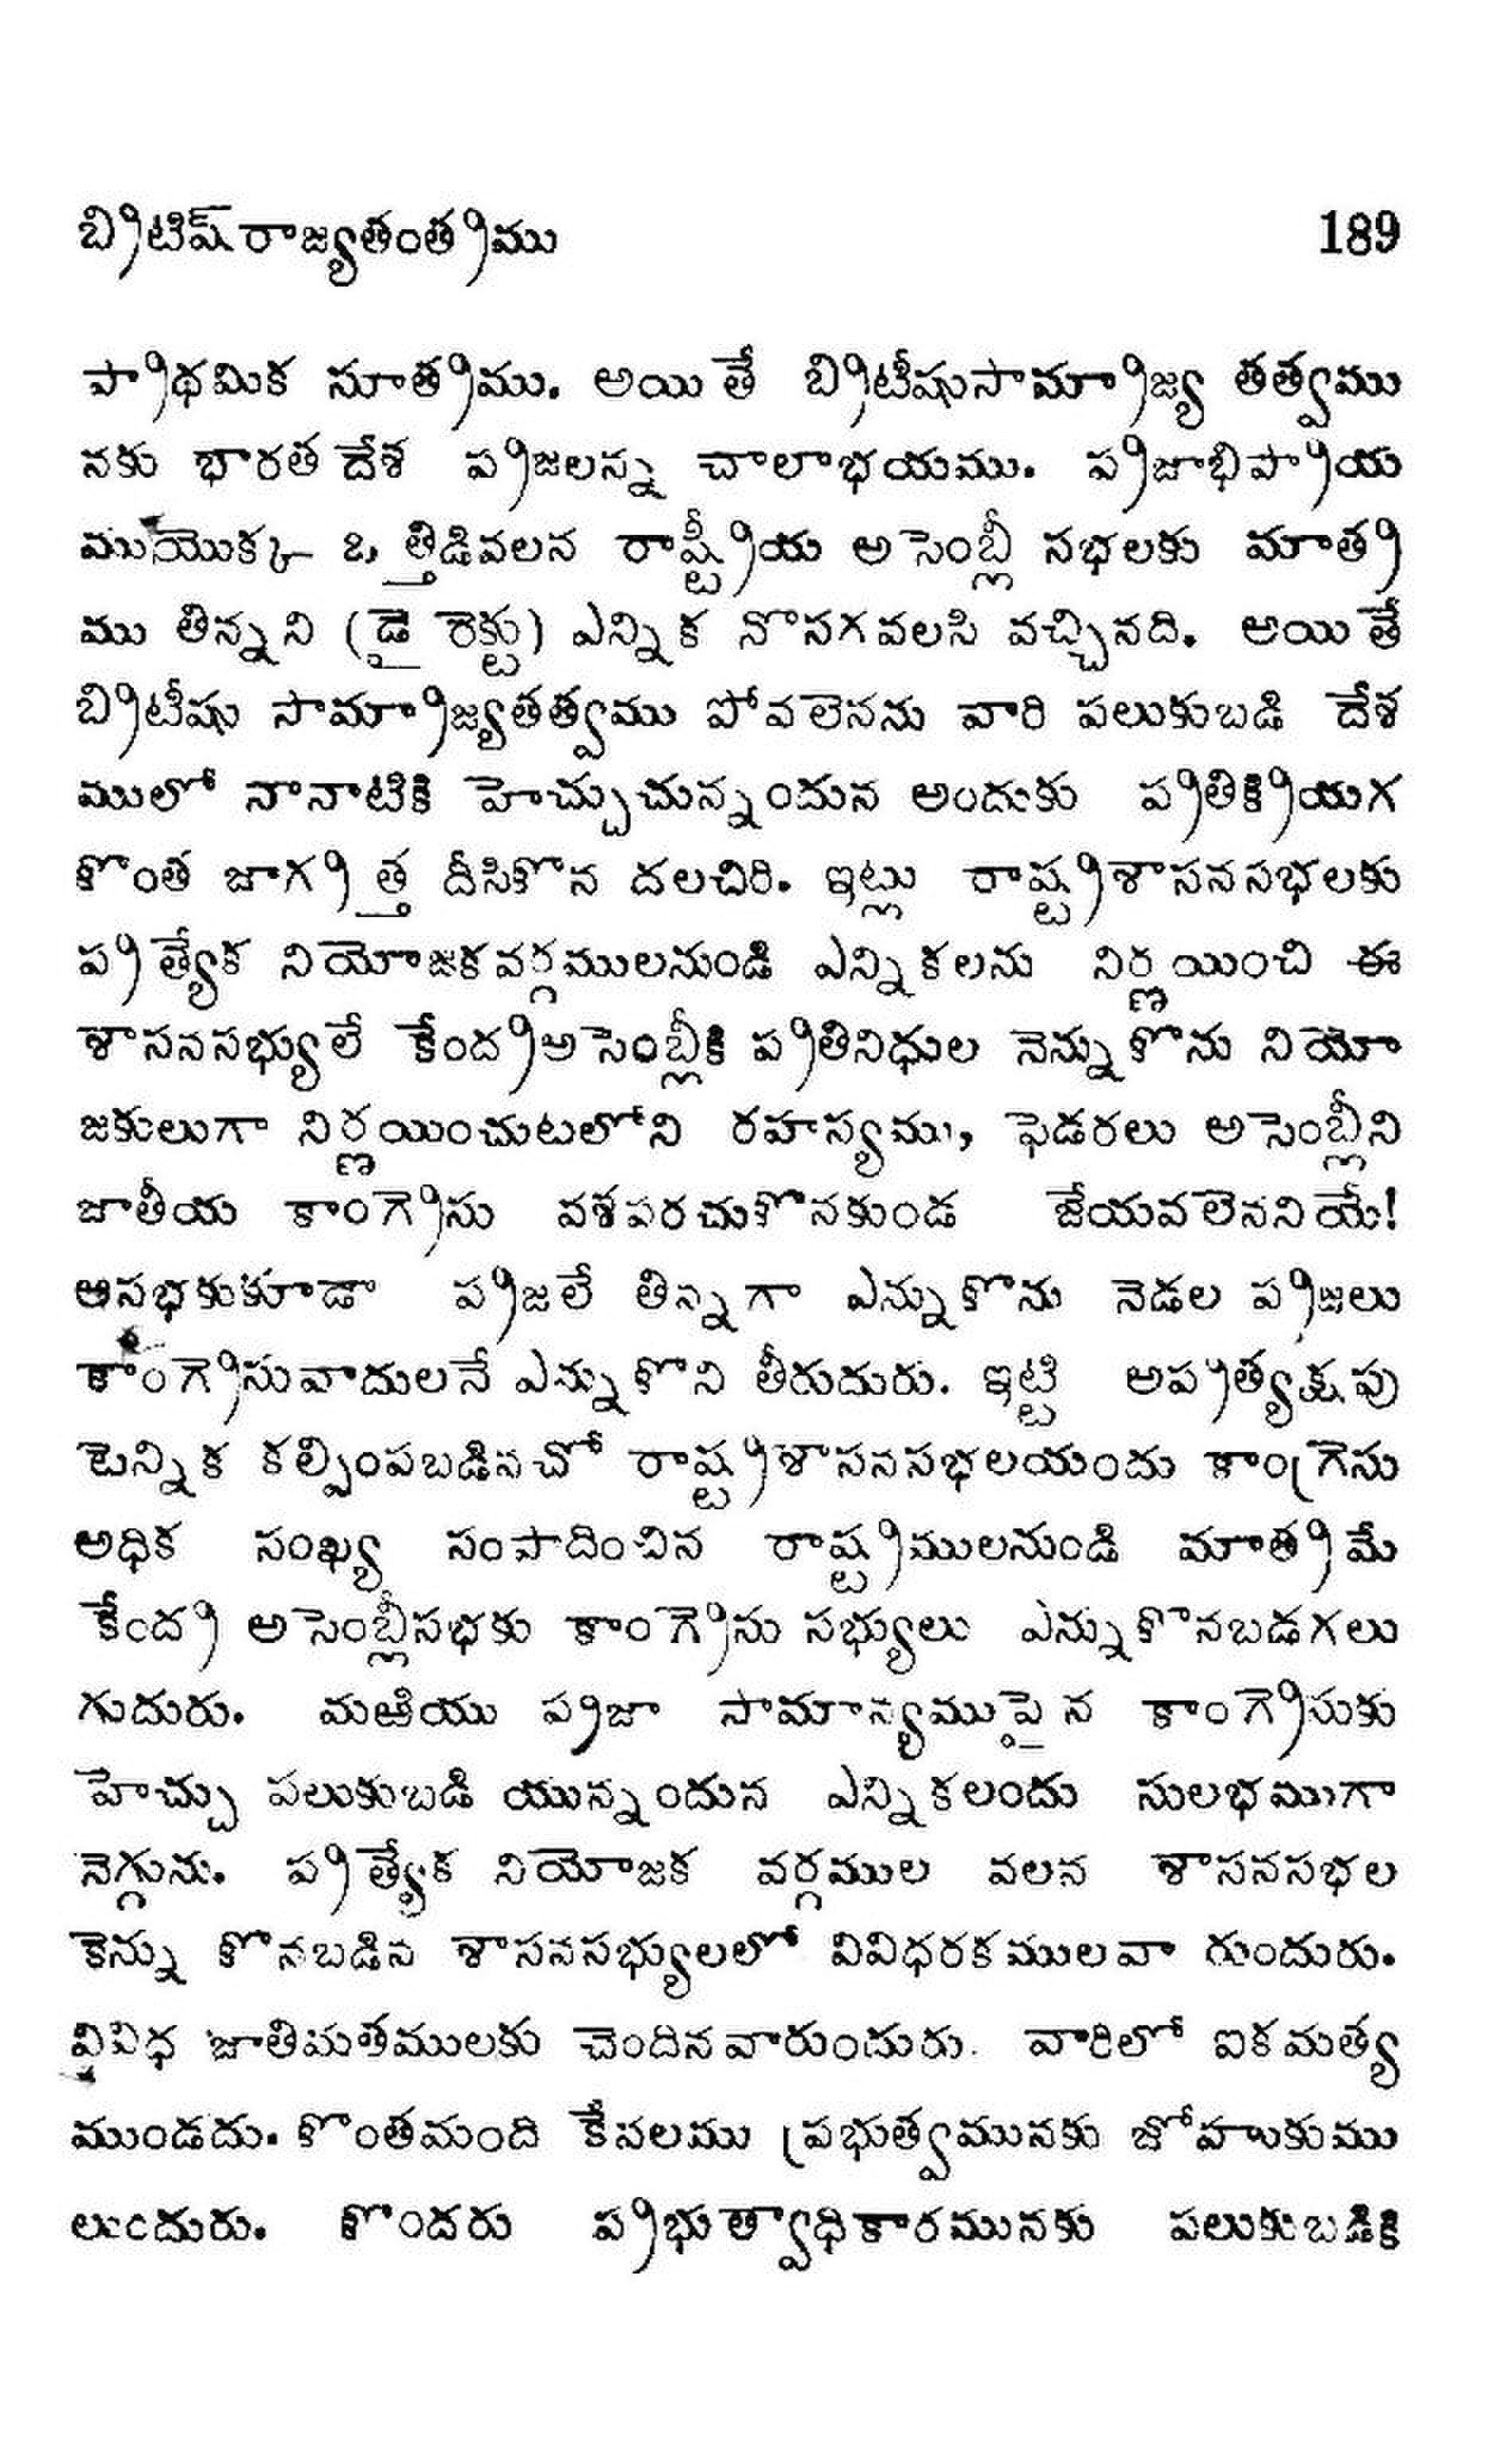ప్రాథమిక సూత్రము. అయితే బ్రిటీషుసామ్రాజ్య తత్వమునకు భారతదేశ ప్రజలన్న చాలాభయము. ప్రజాభిప్రాయముయొక్క ఒత్తిడివలన రాష్ట్రీయ అసెంబ్లీ సభలకు మాత్రము తిన్నని (డై రెక్టు) ఎన్నిక నొసగవలసి వచ్చినది. అయితే బ్రిటీషు సామ్రాజ్యతత్వము పోవలెనను వారి పలుకుబడి దేశములో నానాటికి హెచ్చుచున్నందున అందుకు ప్రతిక్రియగ కొంత జాగ్రత్త దీసికొన దలచిరి. ఇట్లు రాష్ట్రశాసనసభలకు ప్రత్యేక నియోజకవర్గములనుండి ఎన్నికలను నిర్ణయించి ఈ శాసనసభ్యులే కేంద్రఅసెంబ్లీకి ప్రతినిధుల నెన్నుకొను నియోజకులుగా నిర్ణయించుటలోని రహస్యము, ఫెడరలు అసెంబ్లీని జాతీయ కాంగ్రెసు వశపరచుకొనకుండ జేయవలెననియే! ఆసభకుకూడా ప్రజలే తిన్నగా ఎన్నుకొను నెడల ప్రజలు కాంగ్రెసువాదులనే ఎన్నుకొని తీరుదురు. ఇట్టి అప్రత్యక్షపుటెన్నిక కల్పింపబడినచో రాష్ట్రశాసనసభలయందు కాంగ్రెసు అధిక సంఖ్య సంపాదించిన రాష్ట్రములనుండి మాత్రమే కేంద్ర అసెంబ్లీసభకు కాంగ్రెను సభ్యులు ఎన్నుకొనబడగలుగుదురు. మఱియు ప్రజా సామాన్యముపైన కాంగ్రెసుకు హెచ్చు పలుకుబడి యున్నందున ఎన్నికలందు సులభముగా నెగ్గును. ప్రత్యేక నియోజక వర్గముల వలన శాసనసభల కెన్ను కొనబడిన శాసనసభ్యులలో వివిధరకములవా రుందురు. వివిధ జాతిమతములకు చెందినవారుందురు. వారిలో ఐకమత్యముండదు. కొంతమంది కేవలము ప్రభుత్వమునకు జోహుకుము లుందురు. కొందరు ప్రభుత్వాధికారమునకు పలుకుబడికి